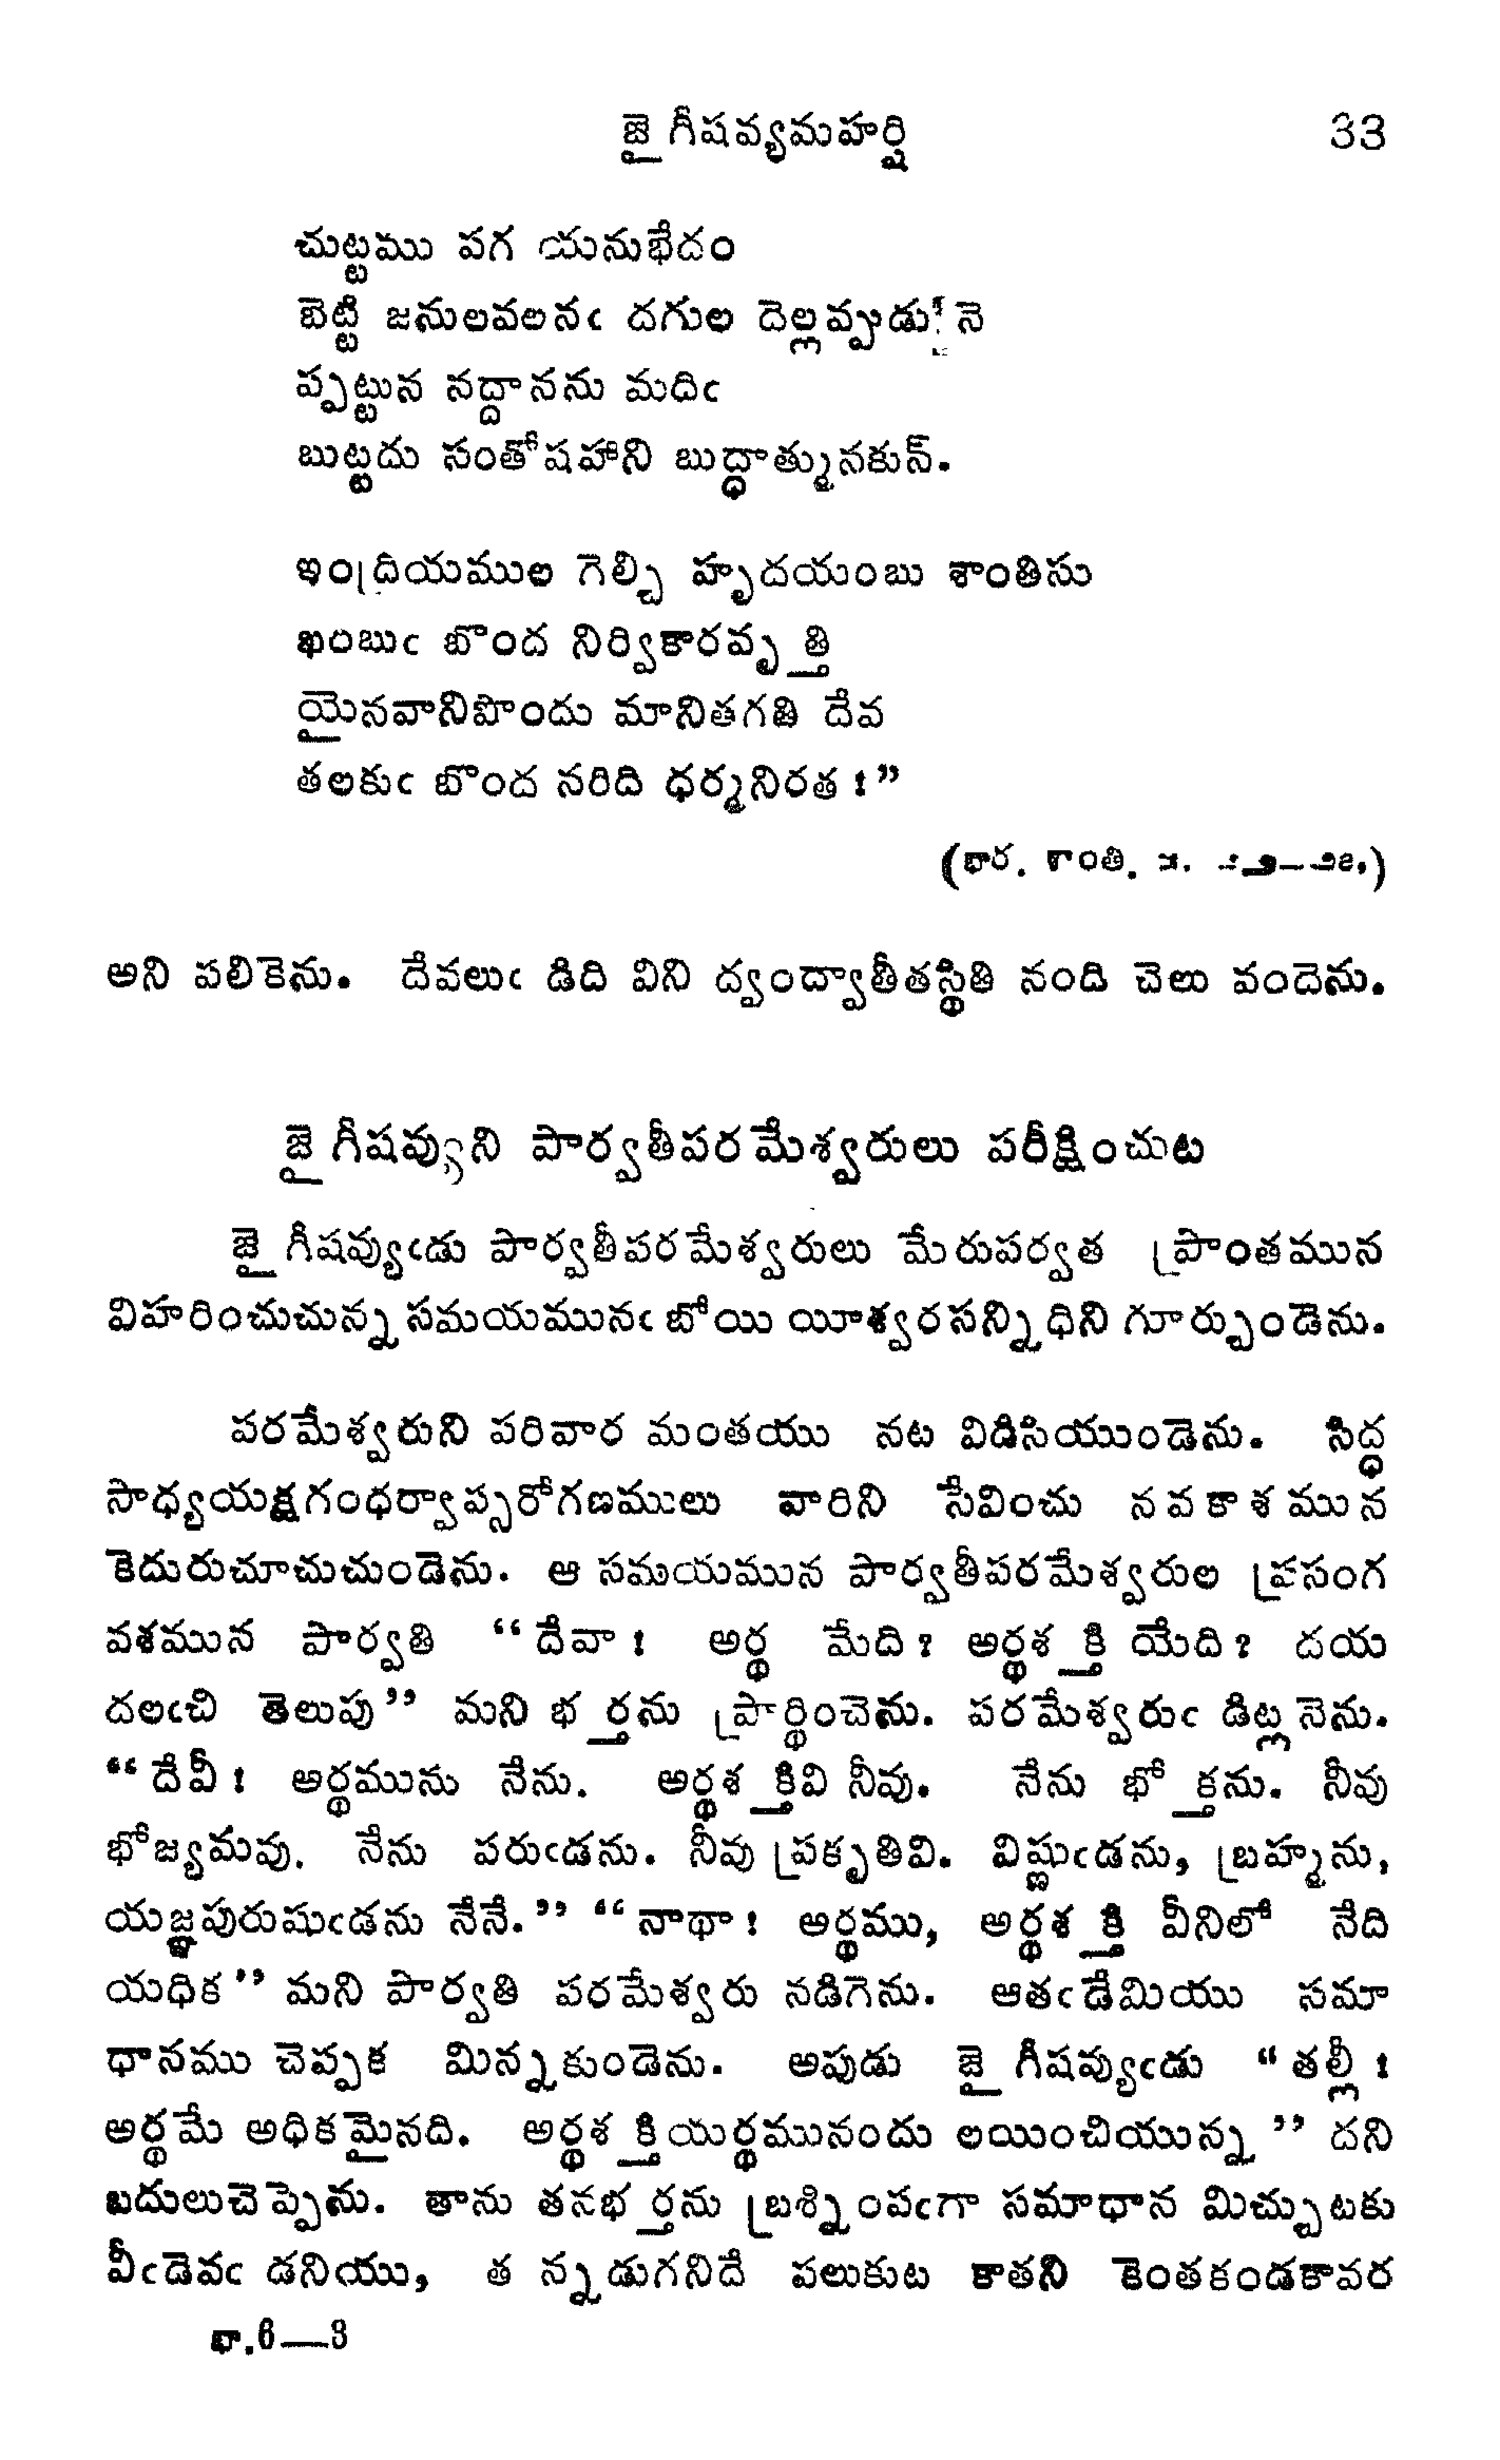చుట్టము పగ యనుభేదం 
 బెట్టి జనులవలనఁ దగుల దెల్లప్పుడు నె 
 ప్పట్టున నద్దానను మదిఁ 
 బుట్టదు సంతోషహాని బుద్ధాత్మునకున్. 

 ఇంద్రియముల గెల్చి హృదయంబు శాంతిసు 
 ఖంబుఁ బొంద నిర్వికారవృత్తి
 యైనవానిపొందు మానితగతి దేవ 
 తలకుఁ బొంద నరిది ధర్మనిరత !”
 (భార. శాంతి. 5, 22-27.)
అని పలికెను. దేవలుఁ డిది విని ద్వంద్వాతీతస్థితి నంది చెలు వందెను.

జై గీషవ్యుని పార్వతీపరమేశ్వరులు పరీక్షించుట

జై గీషవ్యుఁడు పార్వతీపరమేశ్వరులు మేరుపర్వత ప్రాంతమున విహరించుచున్న సమయమునఁ బోయి యీశ్వరసన్నిధిని గూర్చుండెను.

పరమేశ్వరుని పరివార మంతయు నట విడిసియుండెను. సిద్ధసాధ్యయక్షగంధర్వాప్సరోగణములు వారిని సేవించు నవకాశమున కెదురుచూచుచుండెను. ఆ సమయమున పార్వతీపరమేశ్వరుల ప్రసంగవశమున పార్వతి “దేవా! అర్థ మేది ? అర్థశక్తి యేది? దయ దలఁచి తెలుపు" మని భర్తను ప్రార్థించెను. పరమేశ్వరుఁ డిట్ల నెను. "దేవీ ! అర్థమును నేను. అర్థశ క్తివి నీవు. నేను భో క్తను. నీవు భోజ్యమవు. నేను వరుఁడను. నీవు ప్రకృతివి. విష్ణుఁడను, బ్రహ్మను, యజ్ఞపురుషుఁడను నేనే.” “నాథా ! అర్థము, అర్థశక్తి వీనిలో నేది యధిక" మని పార్వతి పరమేశ్వరు నడిగెను. ఆతఁడేమియు సమాధానము చెప్పక మిన్నకుండెను. అపుడు జై గీషవ్యుఁడు "తల్లీ ! అర్థమే అధికమైనది. అర్థశక్తి యర్థమునందు లయించియున్న" దని బదులుచెప్పెను. తాను తనభర్తను బ్రశ్నింపఁగా సమాధాన మిచ్చుటకు వీఁడెవఁ డనియు, తన్నడుగనిదే పలుకుట కాతని కెంతకండకావర